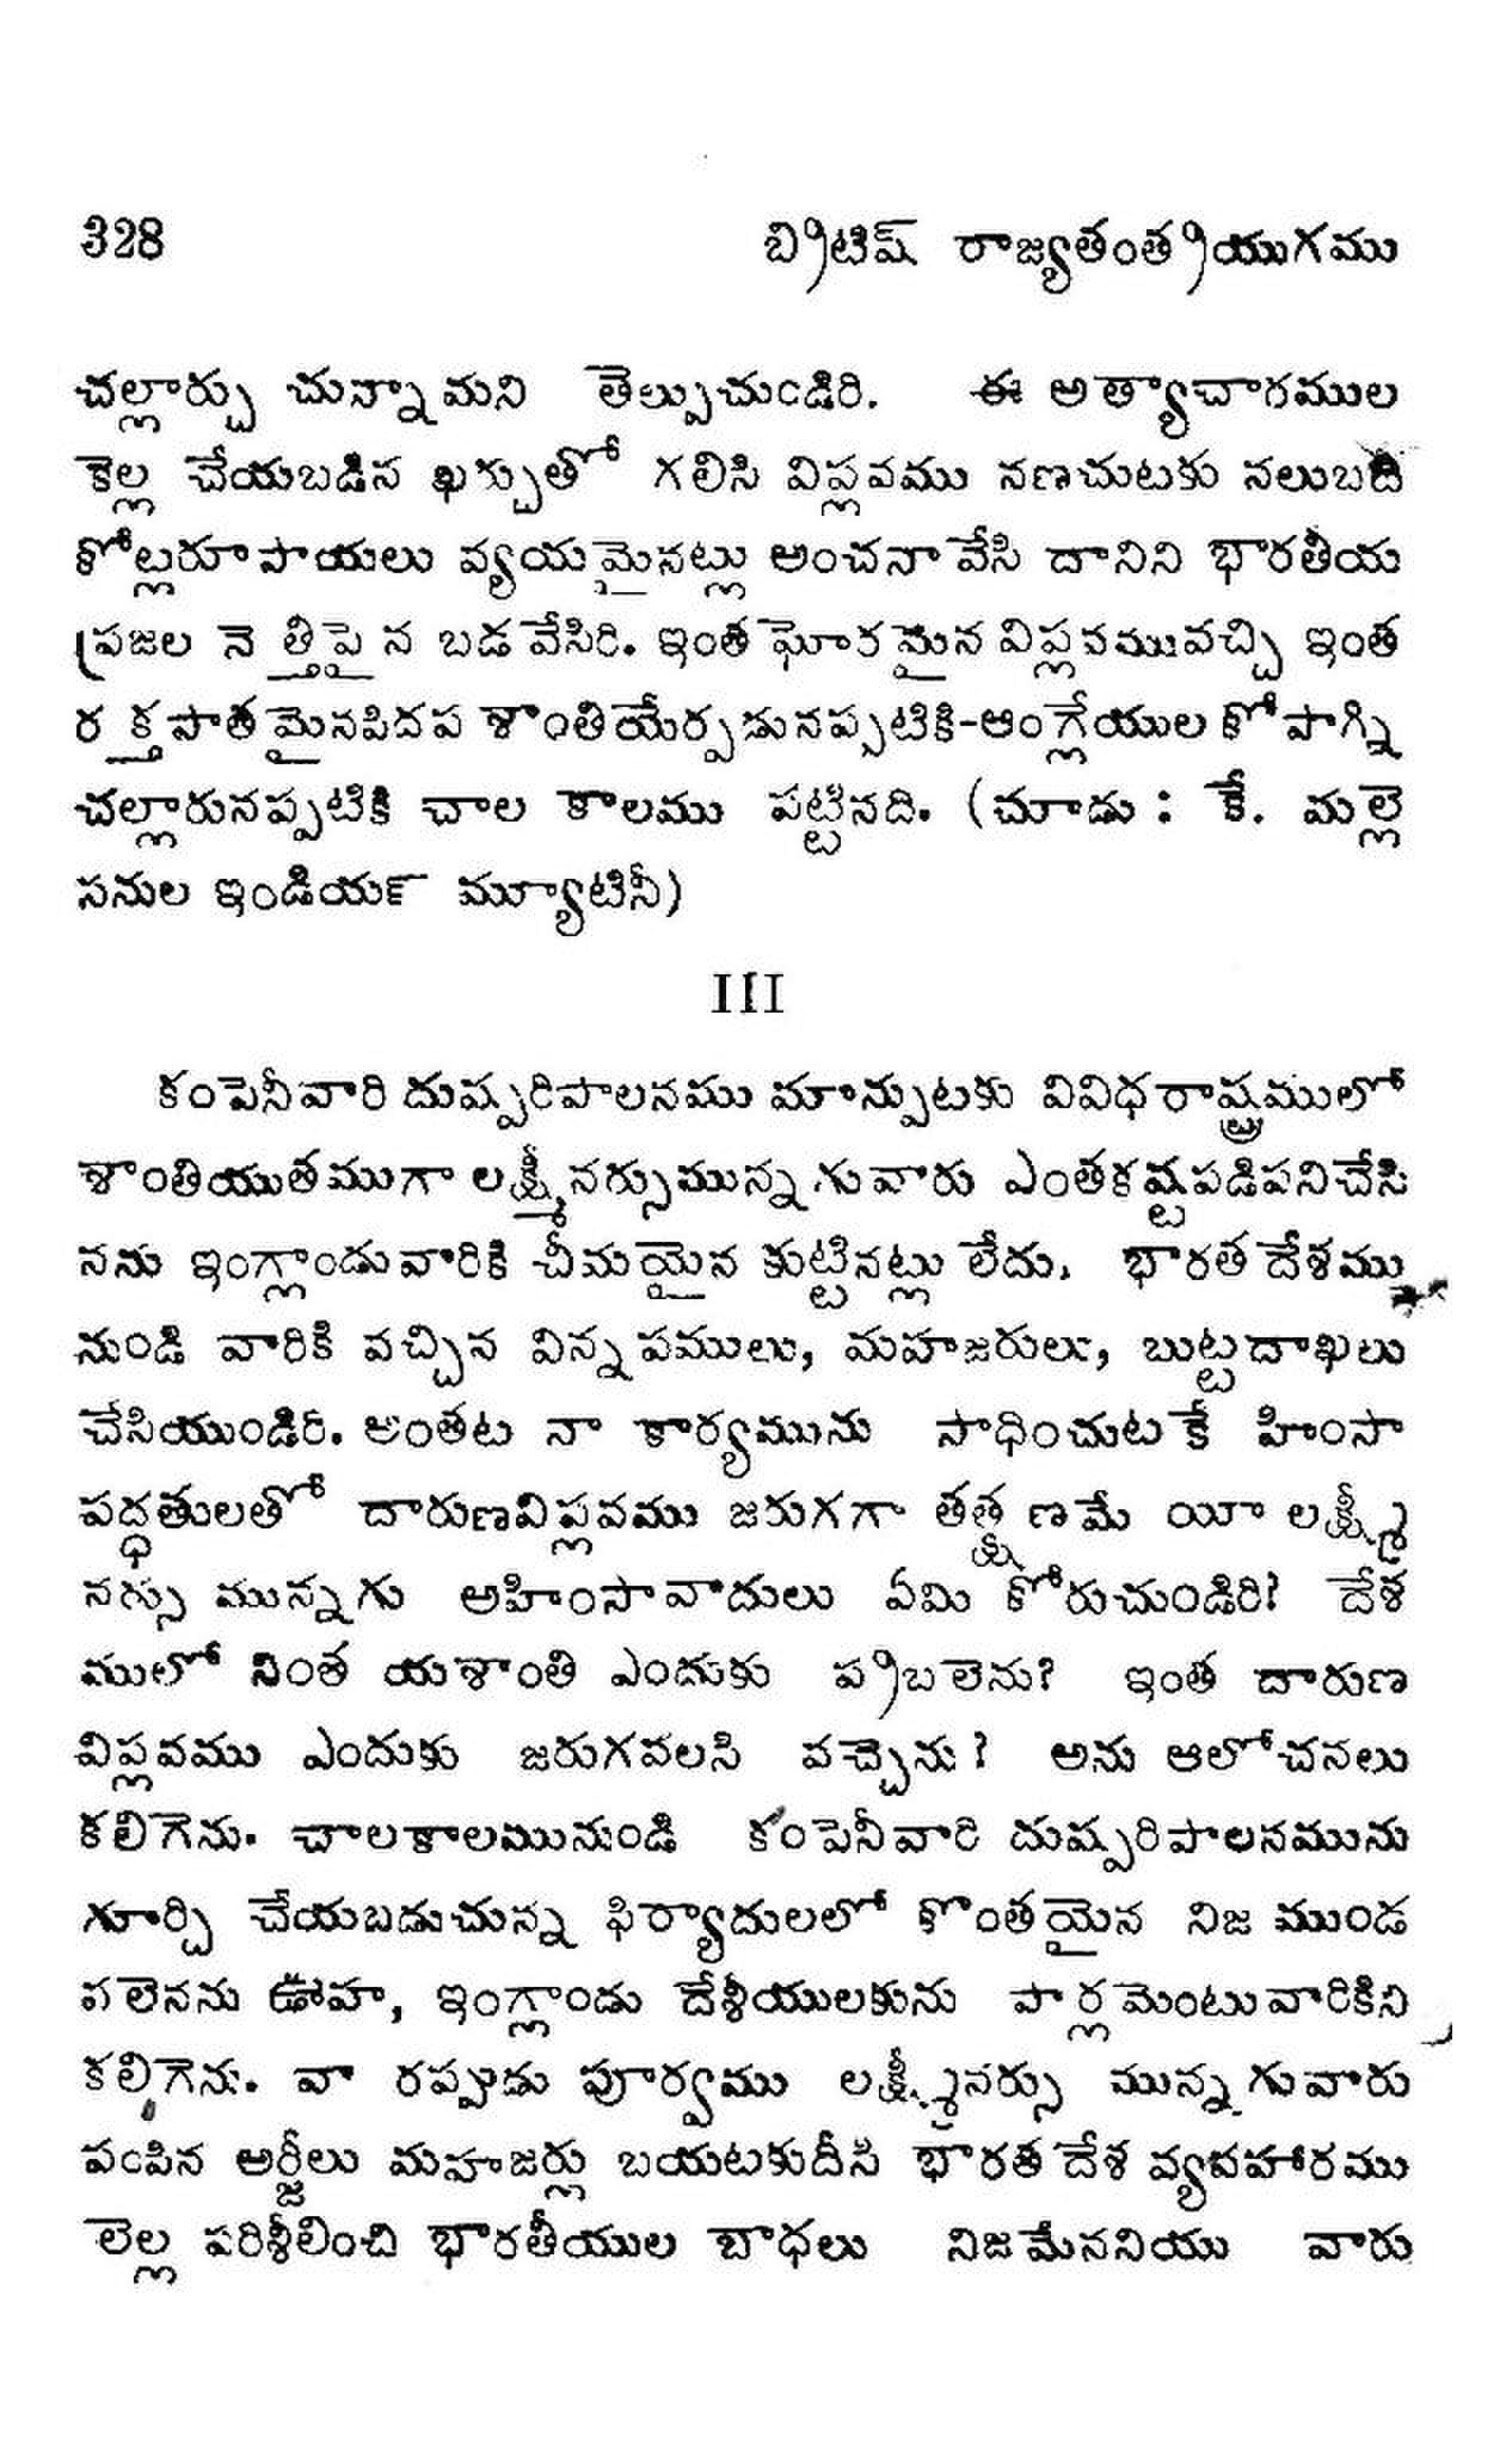చల్లార్చు చున్నామని తెల్పుచుండిరి. ఈ అత్యాచారముల కెల్ల చేయబడిన ఖర్చుతో గలిసి విప్లవము నణచుటకు నలుబదికోట్లరూపాయలు వ్యయమైనట్లు అంచనావేసి దానిని భారతీయ ప్రజల నెత్తిపైన బడవేసిరి. ఇంతఘోరమైన విప్లవమువచ్చి ఇంత రక్తపాతమైనపిదప శాంతియేర్పడునప్పటికి ఆంగ్లేయుల కోపాగ్ని చల్లారునప్పటికి చాల కాలము పట్టినది. (చూడు : కే. మల్లెసనుల ఇండియ౯ మ్యూటినీ)

III

కంపెనీవారి దుష్పరిపాలనము మాన్పుటకు వివిధరాష్ట్రములో శాంతియుతముగా లక్ష్మీనర్సుమున్నగువారు ఎంతకష్టపడిపనిచేసినను ఇంగ్లాండు వారికి చీమయైన కుట్టినట్లు లేదు. భారతదేశమునుండి వారికి వచ్చిన విన్నపములు, మహజరులు, బుట్టదాఖలు చేసియుండిరి. అంతట నా కార్యమును సాధించుటకే హింసా పద్ధతులతో దారుణవిప్లవము జరుగగా తత్క్షణమే యీ లక్ష్మీనర్సు మున్నగు అహింసావాదులు ఏమి కోరుచుండిరి? దేశములో నింత యశాంతి ఎందుకు ప్రబలెను? ఇంత దారుణ విప్లవము ఎందుకు జరుగవలసి వచ్చెను? అను ఆలోచనలు కలిగెను. చాలకాలమునుండి కంపెనీవారి దుష్పరిపాలసమును గూర్చి చేయబడుచున్న ఫిర్యాదులలో కొంతయైన నిజ ముండవలెనను ఊహ, ఇంగ్లాండు దేశీయులకును పార్లమెంటు వారికిని కలిగెను. వా రప్పుడు పూర్వము లక్ష్మీనర్సు మున్నగువారు పంపిన అర్జీలు మహజర్లు బయటకుదీసి భారతదేశ వ్యవహారములెల్ల పరిశీలించి భారతీయుల బాధలు నిజమేననియు వారు